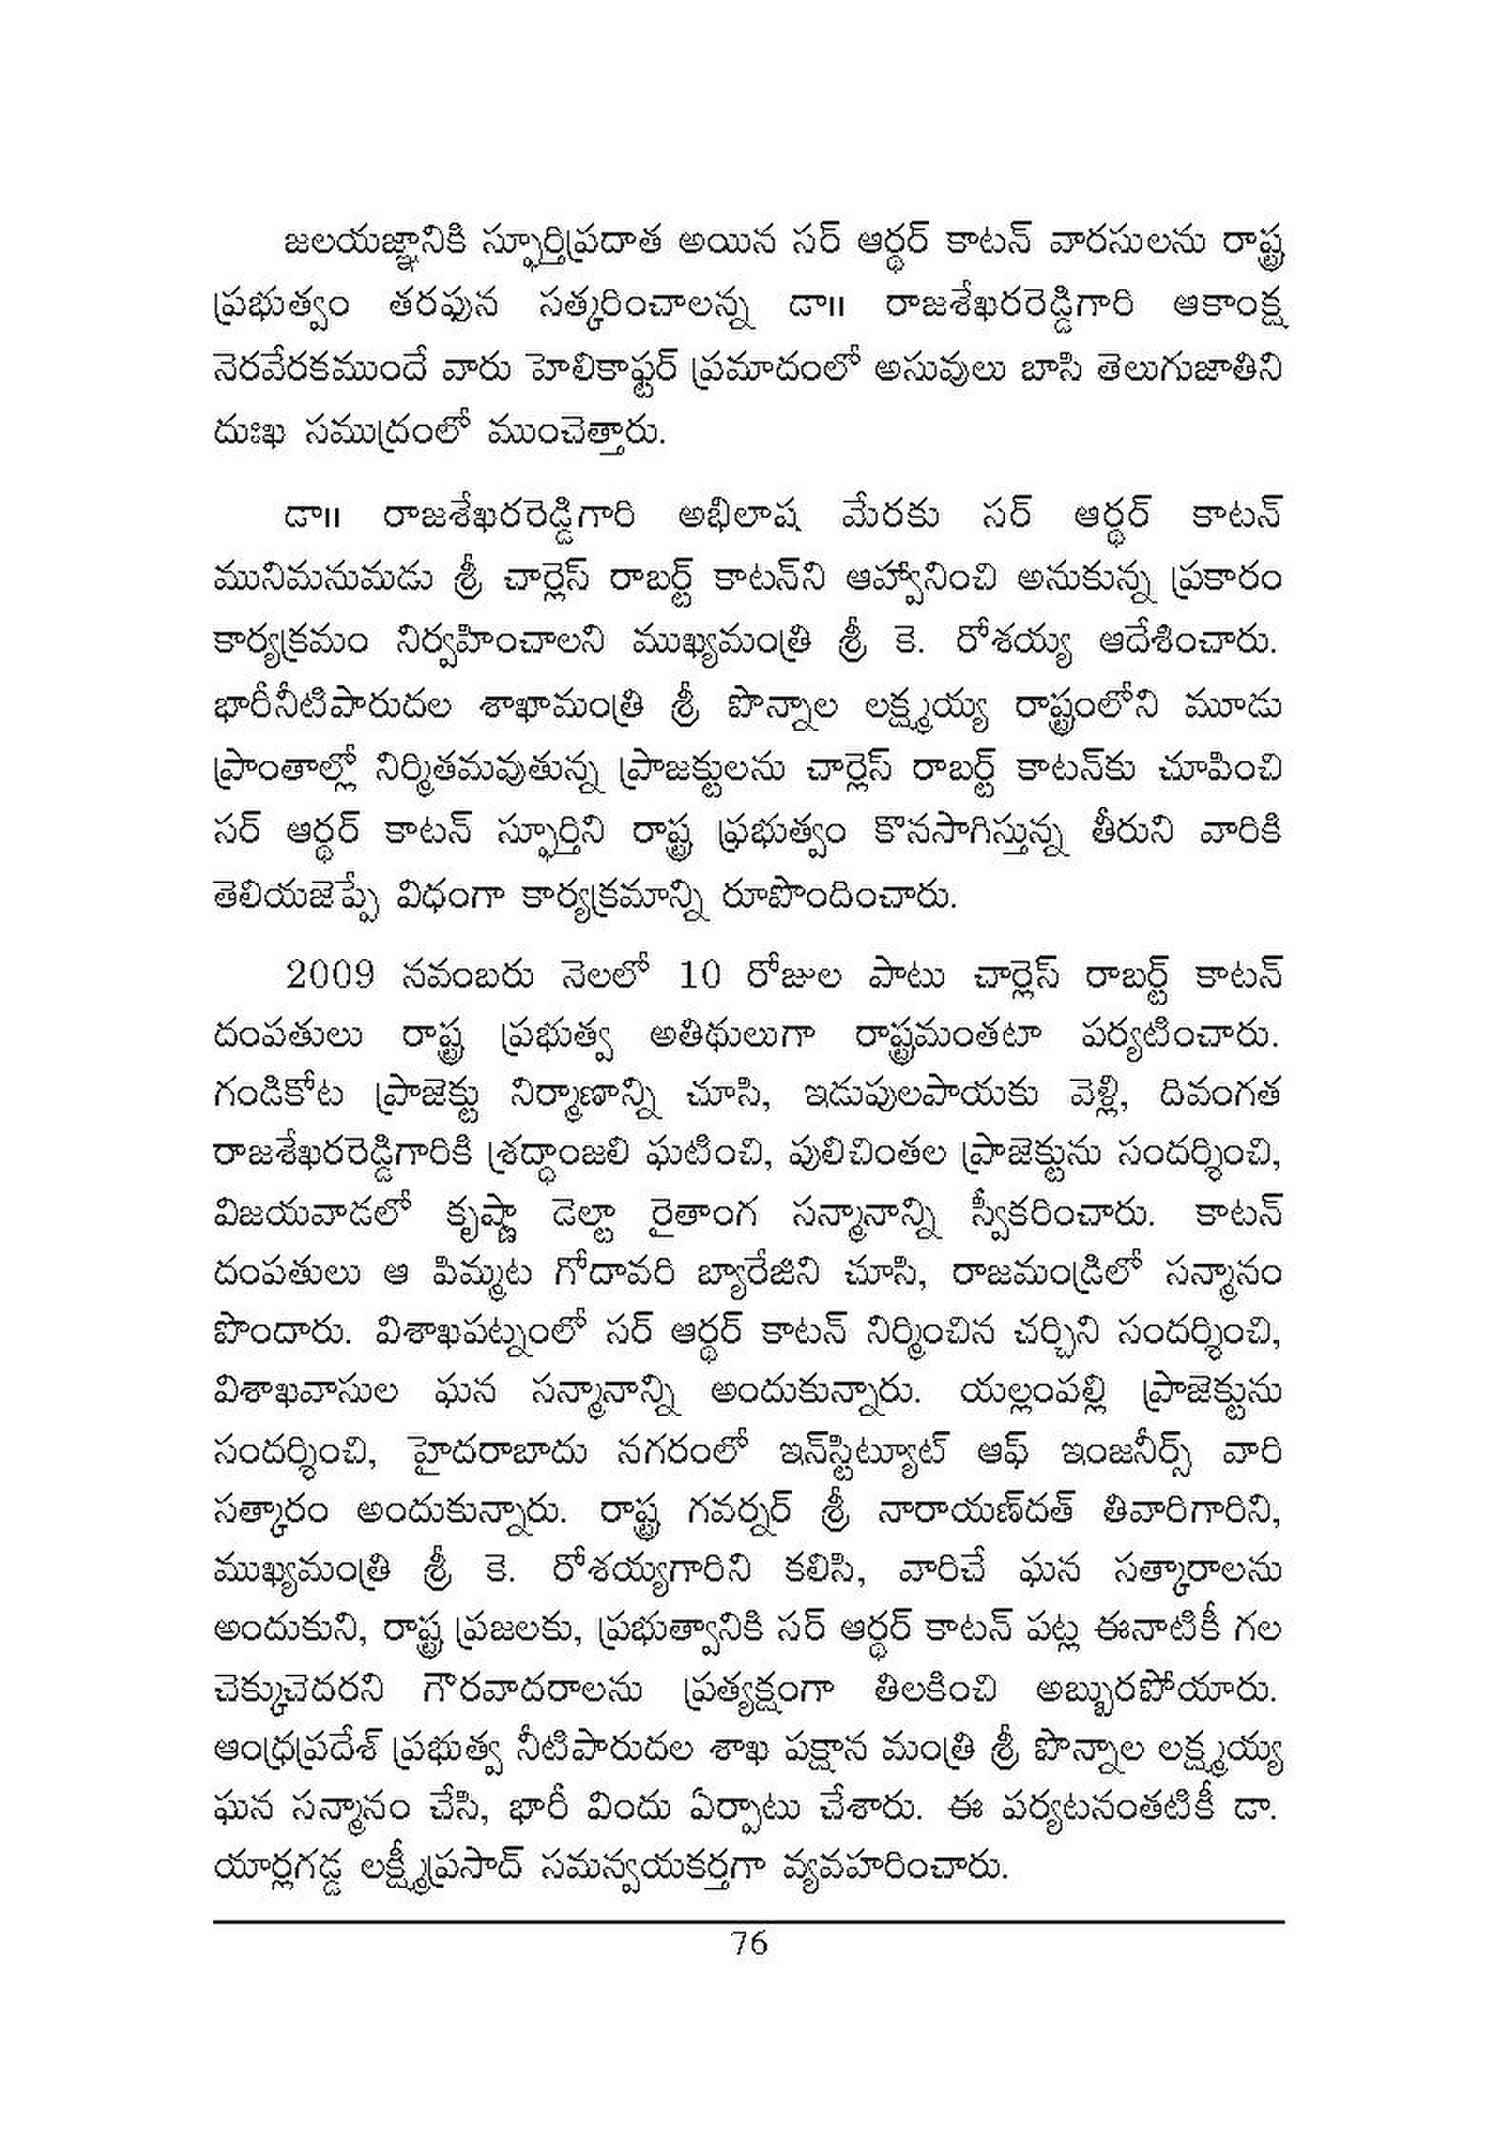జలయజ్ఞానికి స్ఫూర్తిప్రదాత అయిన సర్ ఆర్థర్ కాటన్ వారసులను రాష్ట్ర ప్రభుత్వం తరఫున సత్కరించాలన్న డా॥ రాజశేఖరరెడ్డిగారి ఆకాంక్ష. నెరవేరకముందే వారు హెలికాప్టర్ ప్రమాదంలో అసువులు బాసి తెలుగుజాతిని దుఃఖ సముద్రంలో ముంచెత్తారు.

డా॥ రాజశేఖరరెడ్డిగారి అభిలాష మేరకు సర్ ఆర్థర్ కాటన్ మునిమనుమడు శ్రీ చార్లెస్ రాబర్ట్ కాటన్ని ఆహ్వానించి అనుకున్న ప్రకారం కార్యక్రమం నిర్వహించాలని ముఖ్యమంత్రి శ్రీ కె.రోశయ్య ఆదేశించారు. భారీనీటిపారుదల శాఖామంత్రి శ్రీ పొన్నాల లక్ష్మయ్య రాష్ట్రంలోని మూడు ప్రాంతాల్లో నిర్మితమవుతున్న ప్రాజక్టులను చార్లెస్ రాబర్ట్ కాటన్కు చూపించి సర్ ఆర్థర్ కాటన్ స్ఫూర్తిని రాష్ట్ర ప్రభుత్వం కొనసాగిస్తున్న తీరుని వారికి తెలియజెప్పే విధంగా కార్యక్రమాన్ని రూపొందించారు.

2009 నవంబరు నెలలో 10 రోజుల పాటు చార్లెస్ రాబర్ట్ కాటన్ దంపతులు రాష్ట్ర ప్రభుత్వ అతిథులుగా రాష్ట్రమంతటా పర్యటించారు. గండికోట ప్రాజెక్టు నిర్మాణాన్ని చూసి, ఇడుపులపాయకు వెళ్లి, దివంగత రాజశేఖరరెడ్డిగారికి శ్రద్ధాంజలి ఘటించి,పులిచింతల ప్రాజెక్టును సందర్శించి, విజయవాడలో కృష్ణా డెల్లా రైతాంగ సన్మానాన్ని స్వీకరించారు. కాటన్ దంపతులు ఆ పిమ్మట గోదావరి బ్యారేజిని చూసి, రాజమండ్రిలో సన్మానం పొందారు. విశాఖపట్నంలో సర్ ఆర్థర్ కాటన్ నిర్మించిన చర్చిని సందర్శించి, విశాఖవాసుల ఘన సన్మానాన్ని అందుకున్నారు. యల్లంపల్లి ప్రాజెక్టు సందర్శించి, హైదరాబాదు నగరంలో ఇన్స్టిట్యూట్ ఆఫ్ ఇంజనీర్స్ వారి సత్కారం అందుకున్నారు. రాష్ట్ర గవర్నర్ శ్రీ నారాయణ్ దత్ తివారిగారిని, ముఖ్యమంత్రి & శ్రీ కె. రోశయ్యగారిని కలిసి, వారిచే ఘన సత్కారాలను అందుకుని, రాష్ట్ర ప్రజలకు, ప్రభుత్వానికి సర్ ఆర్థర్ కాటన్ పట్ల ఈనాటికీ గల చెక్కుచెదరని గౌరవాదరాలను ప్రత్యక్షంగా తిలకించి అబ్బురపోయారు. ఆంధ్రప్రదేశ్ ప్రభుత్వ నీటిపారుదల శాఖ పక్షాన మంత్రి శ్రీ పొన్నాల లక్ష్మయ్య ఘన సన్మానం చేసి, భారీ విందు ఏర్పాటు చేశారు. ఈ పర్యటనంతటికీ డా. యార్లగడ్డ లక్ష్మీప్రసాద్ సమన్వయకర్తగా వ్యవహరించారు.